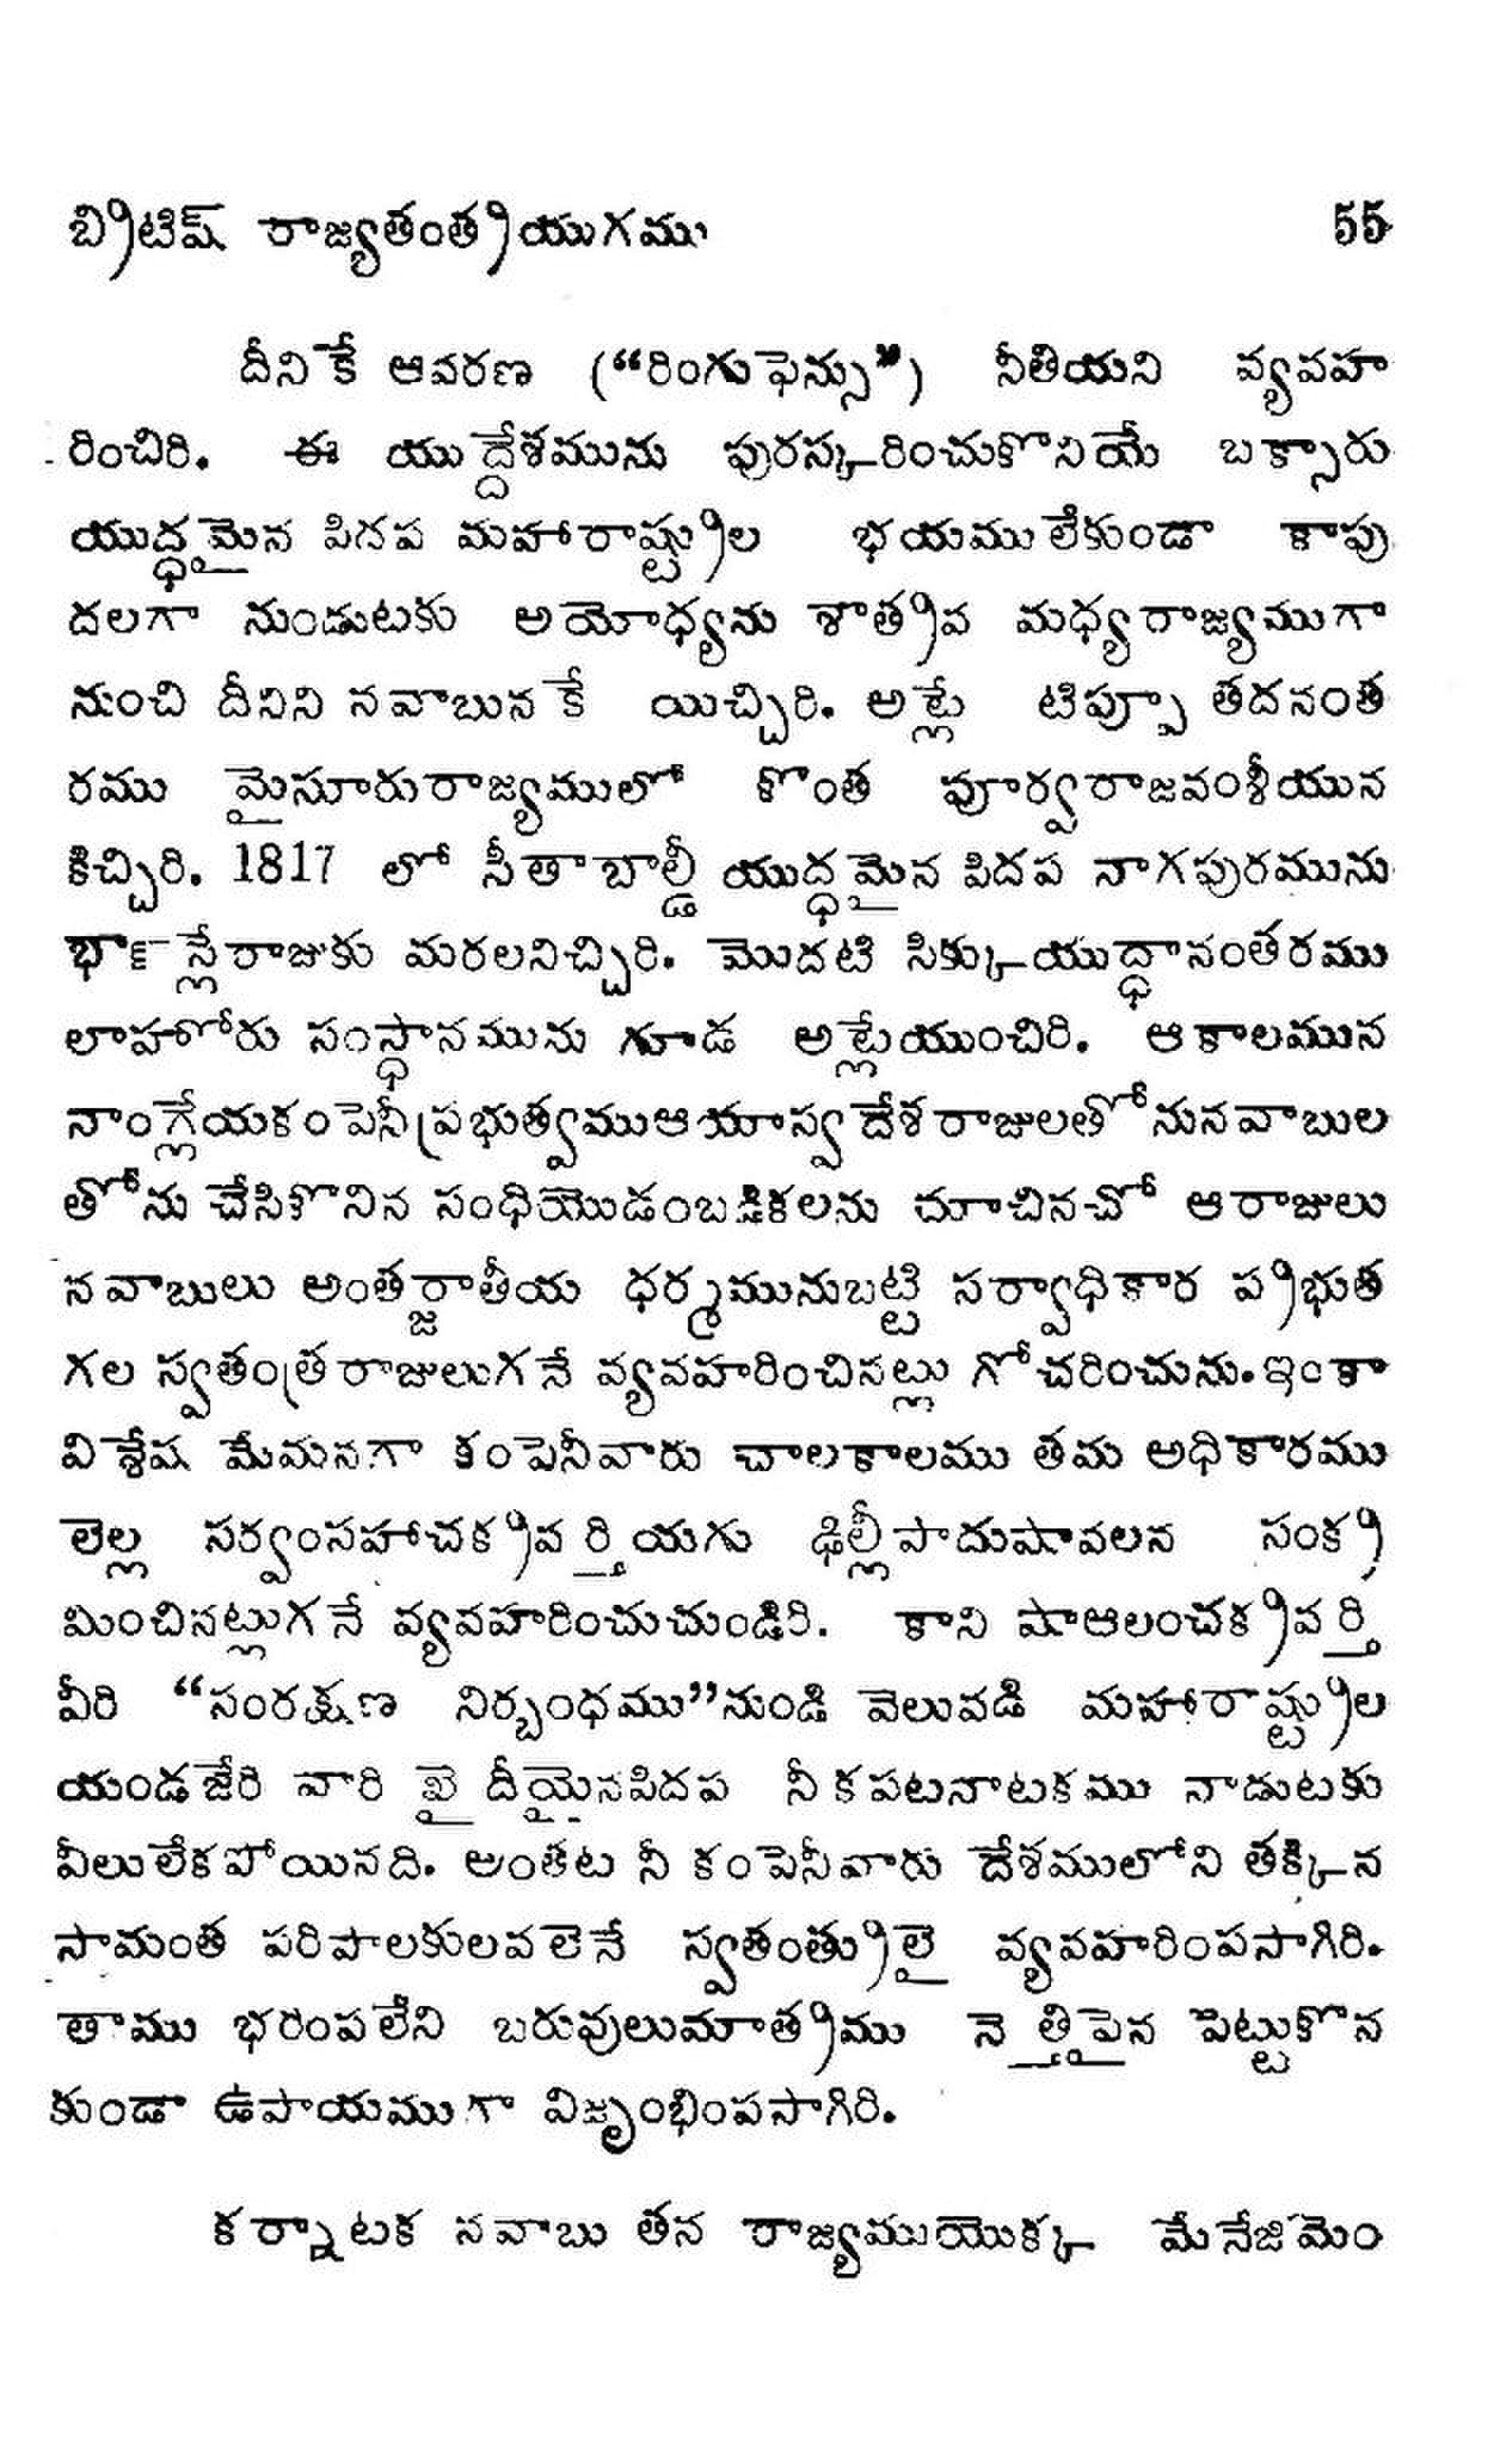దీనికే ఆవరణ (“రింగుఫెన్సు") నీతియని వ్యవహరించిరి. ఈ యుద్దేశమును పురస్కరించుకొనియే బక్సారు యుద్ధమైన పిదప మహారాష్ట్రుల భయములేకుండా కాపుదలగా నుండుటకు అయోధ్యను శాత్రవ మధ్యరాజ్యముగా నుంచి దీనిని నవాబునకే యిచ్చిరి. అట్లే టిప్పూ తదనంతరము మైసూరురాజ్యములో కొంత పూర్వరాజవంశీయున కిచ్చిరి. 1817 లో సీతాబాల్డీ యుద్ధమైన పిదప నాగపురమును భా౯స్లేరాజుకు మరలనిచ్చిరి. మొదటి సిక్కుయుద్ధానంతరము లాహోరు సంస్థానమును గూడ అట్లేయుంచిరి. ఆ కాలమున నాంగ్లేయకంపెనీప్రభుత్వము ఆయాస్వదేశ రాజులతోను నవాబులతోను చేసికొనిన సంధియొడంబడికలను చూచినచో ఆరాజులు నవాబులు అంతర్జాతీయ ధర్మమునుబట్టి సర్వాధికార ప్రభుత గల స్వతంత్రరాజులుగనే వ్యవహరించినట్లు గోచరించును. ఇంకా విశేష మేమనగా కంపెనీవారు చాలకాలము తమ అధికారము లెల్ల సర్వంసహాచక్రవర్తియగు ఢిల్లీపాదుషావలన సంక్రమించినట్లుగనే వ్యవహరించుచుండిరి. కాని షాఆలంచక్రవర్తి వీరి “సంరక్షణ నిర్బంధము” నుండి వెలువడి మహారాష్ట్రుల యండజేరి వారి ఖైదీయైనపిదప నీకపటనాటకము నాడుటకు వీలులేకపోయినది. అంతట నీ కంపెనీవారు దేశములోని తక్కిన సామంత పరిపాలకులవలెనే స్వతంత్రులై వ్యవహరింపసాగిరి. తాము భరింపలేని బరువులుమాత్రము నెత్తిపైన పెట్టుకొనకుండా ఉపాయముగా విజృంభింపసాగిరి.

కర్నాటక నవాబు తన రాజ్యముయొక్క మేనేజిమెం